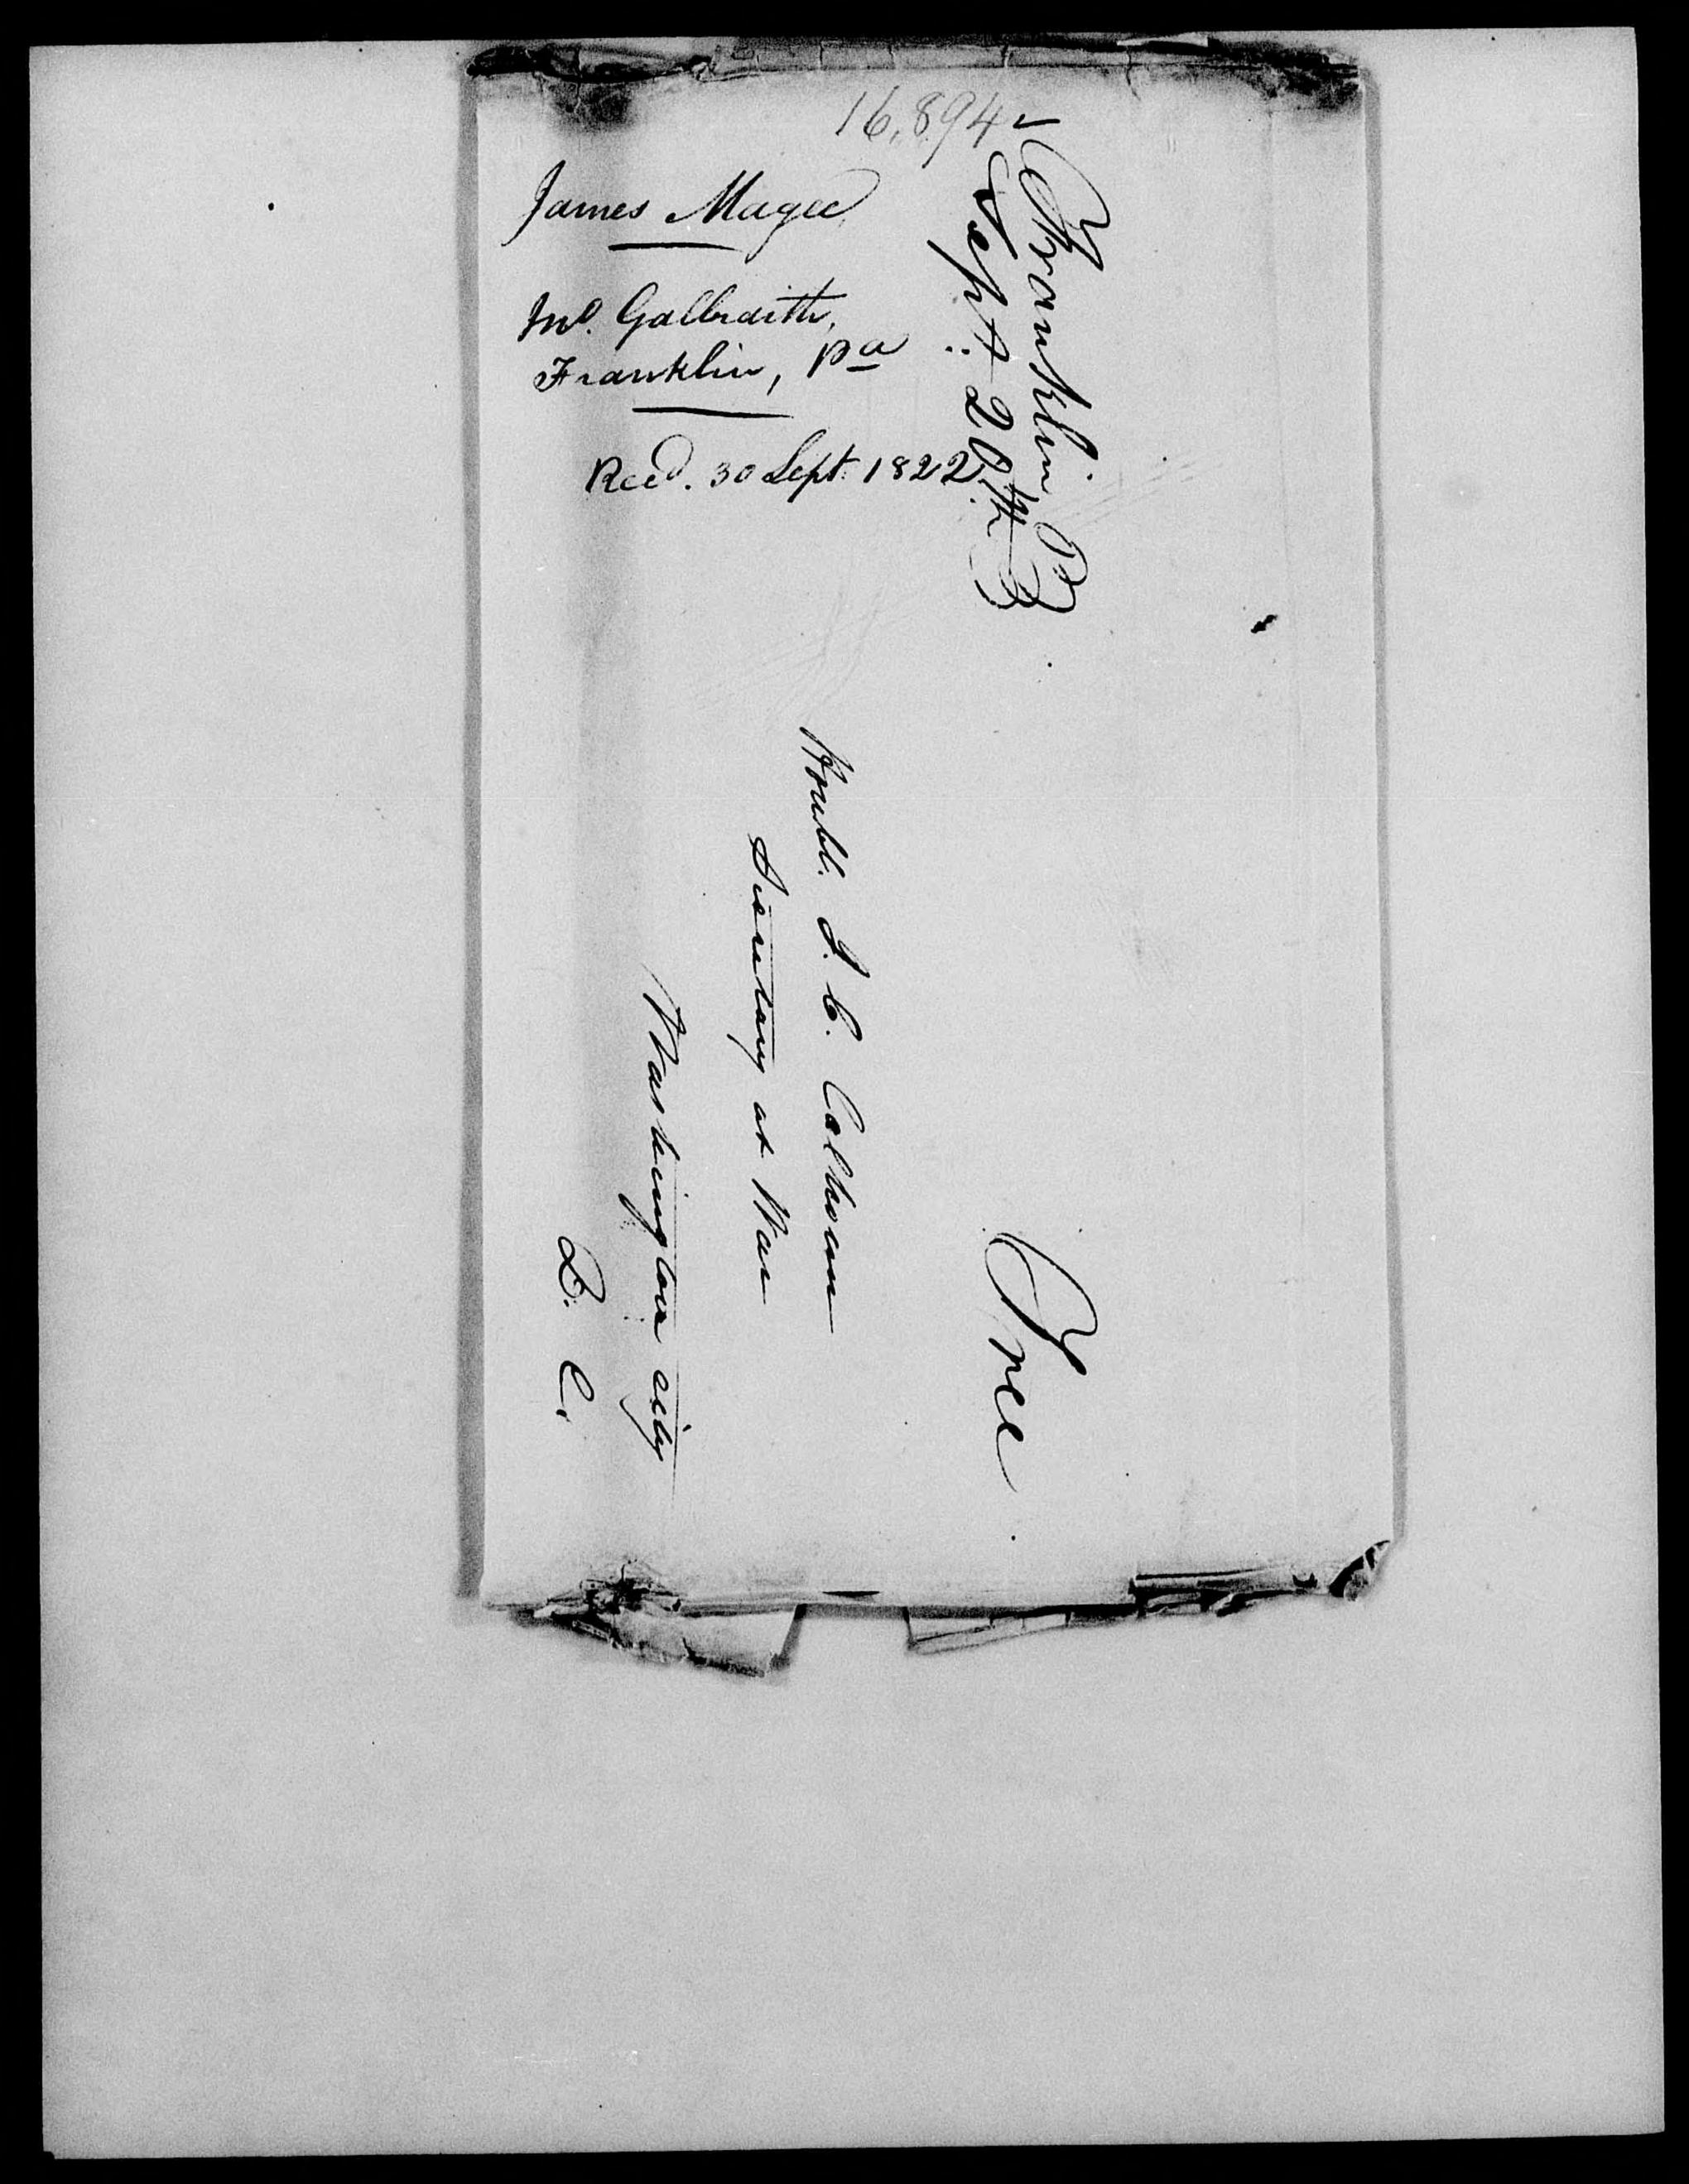16.894
James Magee (McGee)
Jno. Galbraith
Franklin, Pa
Recd. 30 Sept 1822

(vertical)
Franklin
Sept. 20th
Free
Honorable J.C. Calhoun
Secretary of State
Washington City
D.C.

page: 38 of 77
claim: widow's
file: W 2954, for James Mc Gee, Delaware